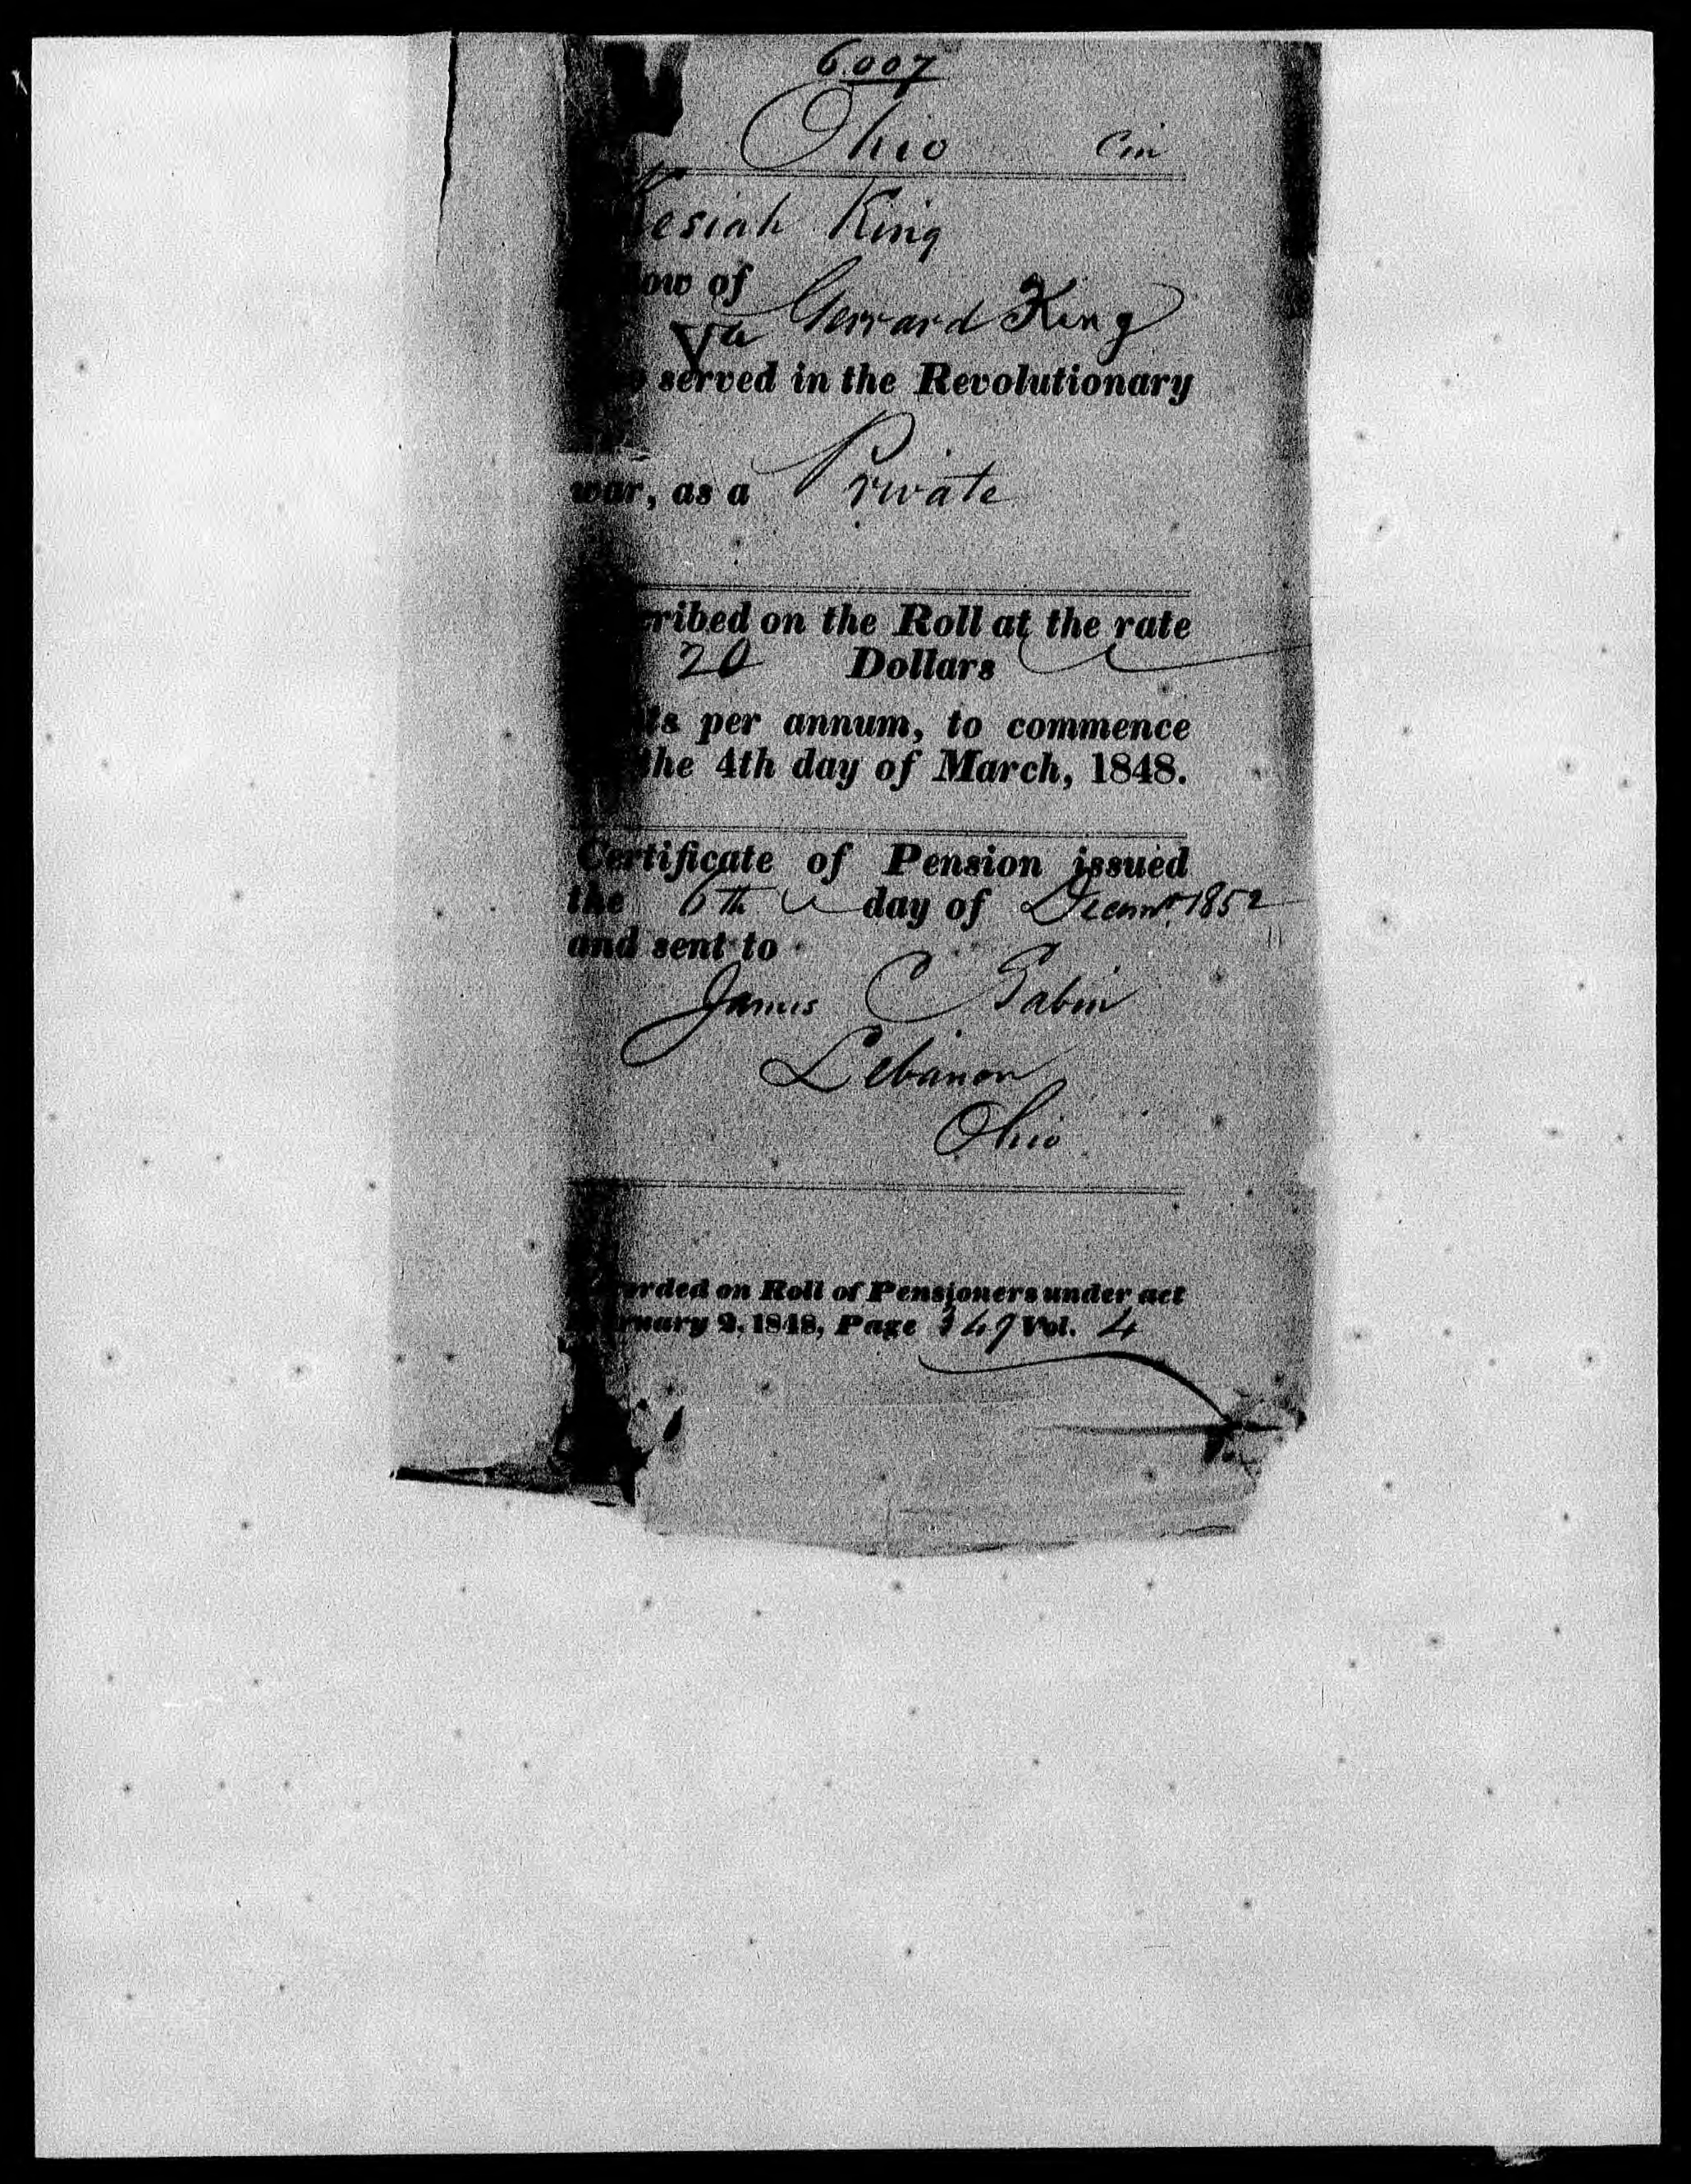6007
Ohio     Cin
Kesiah King
Widow of Gerrard King
Who served in the Revolutionary war, as a Private
inscribed on the Roll at the rate of 20 Dollars 0 Cents per annum, to commence on the 4th day of March, 1848.

Certificate of Pension issued the 6th day of December 1852 and sent to James C. Sabin Lebanon Ohio

Recorded on Roll of Pensioners under Act January 9, 1848, page 347 vol. 4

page: 3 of 45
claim: widow's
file: W. 7984, for Gerrard King, Virginia